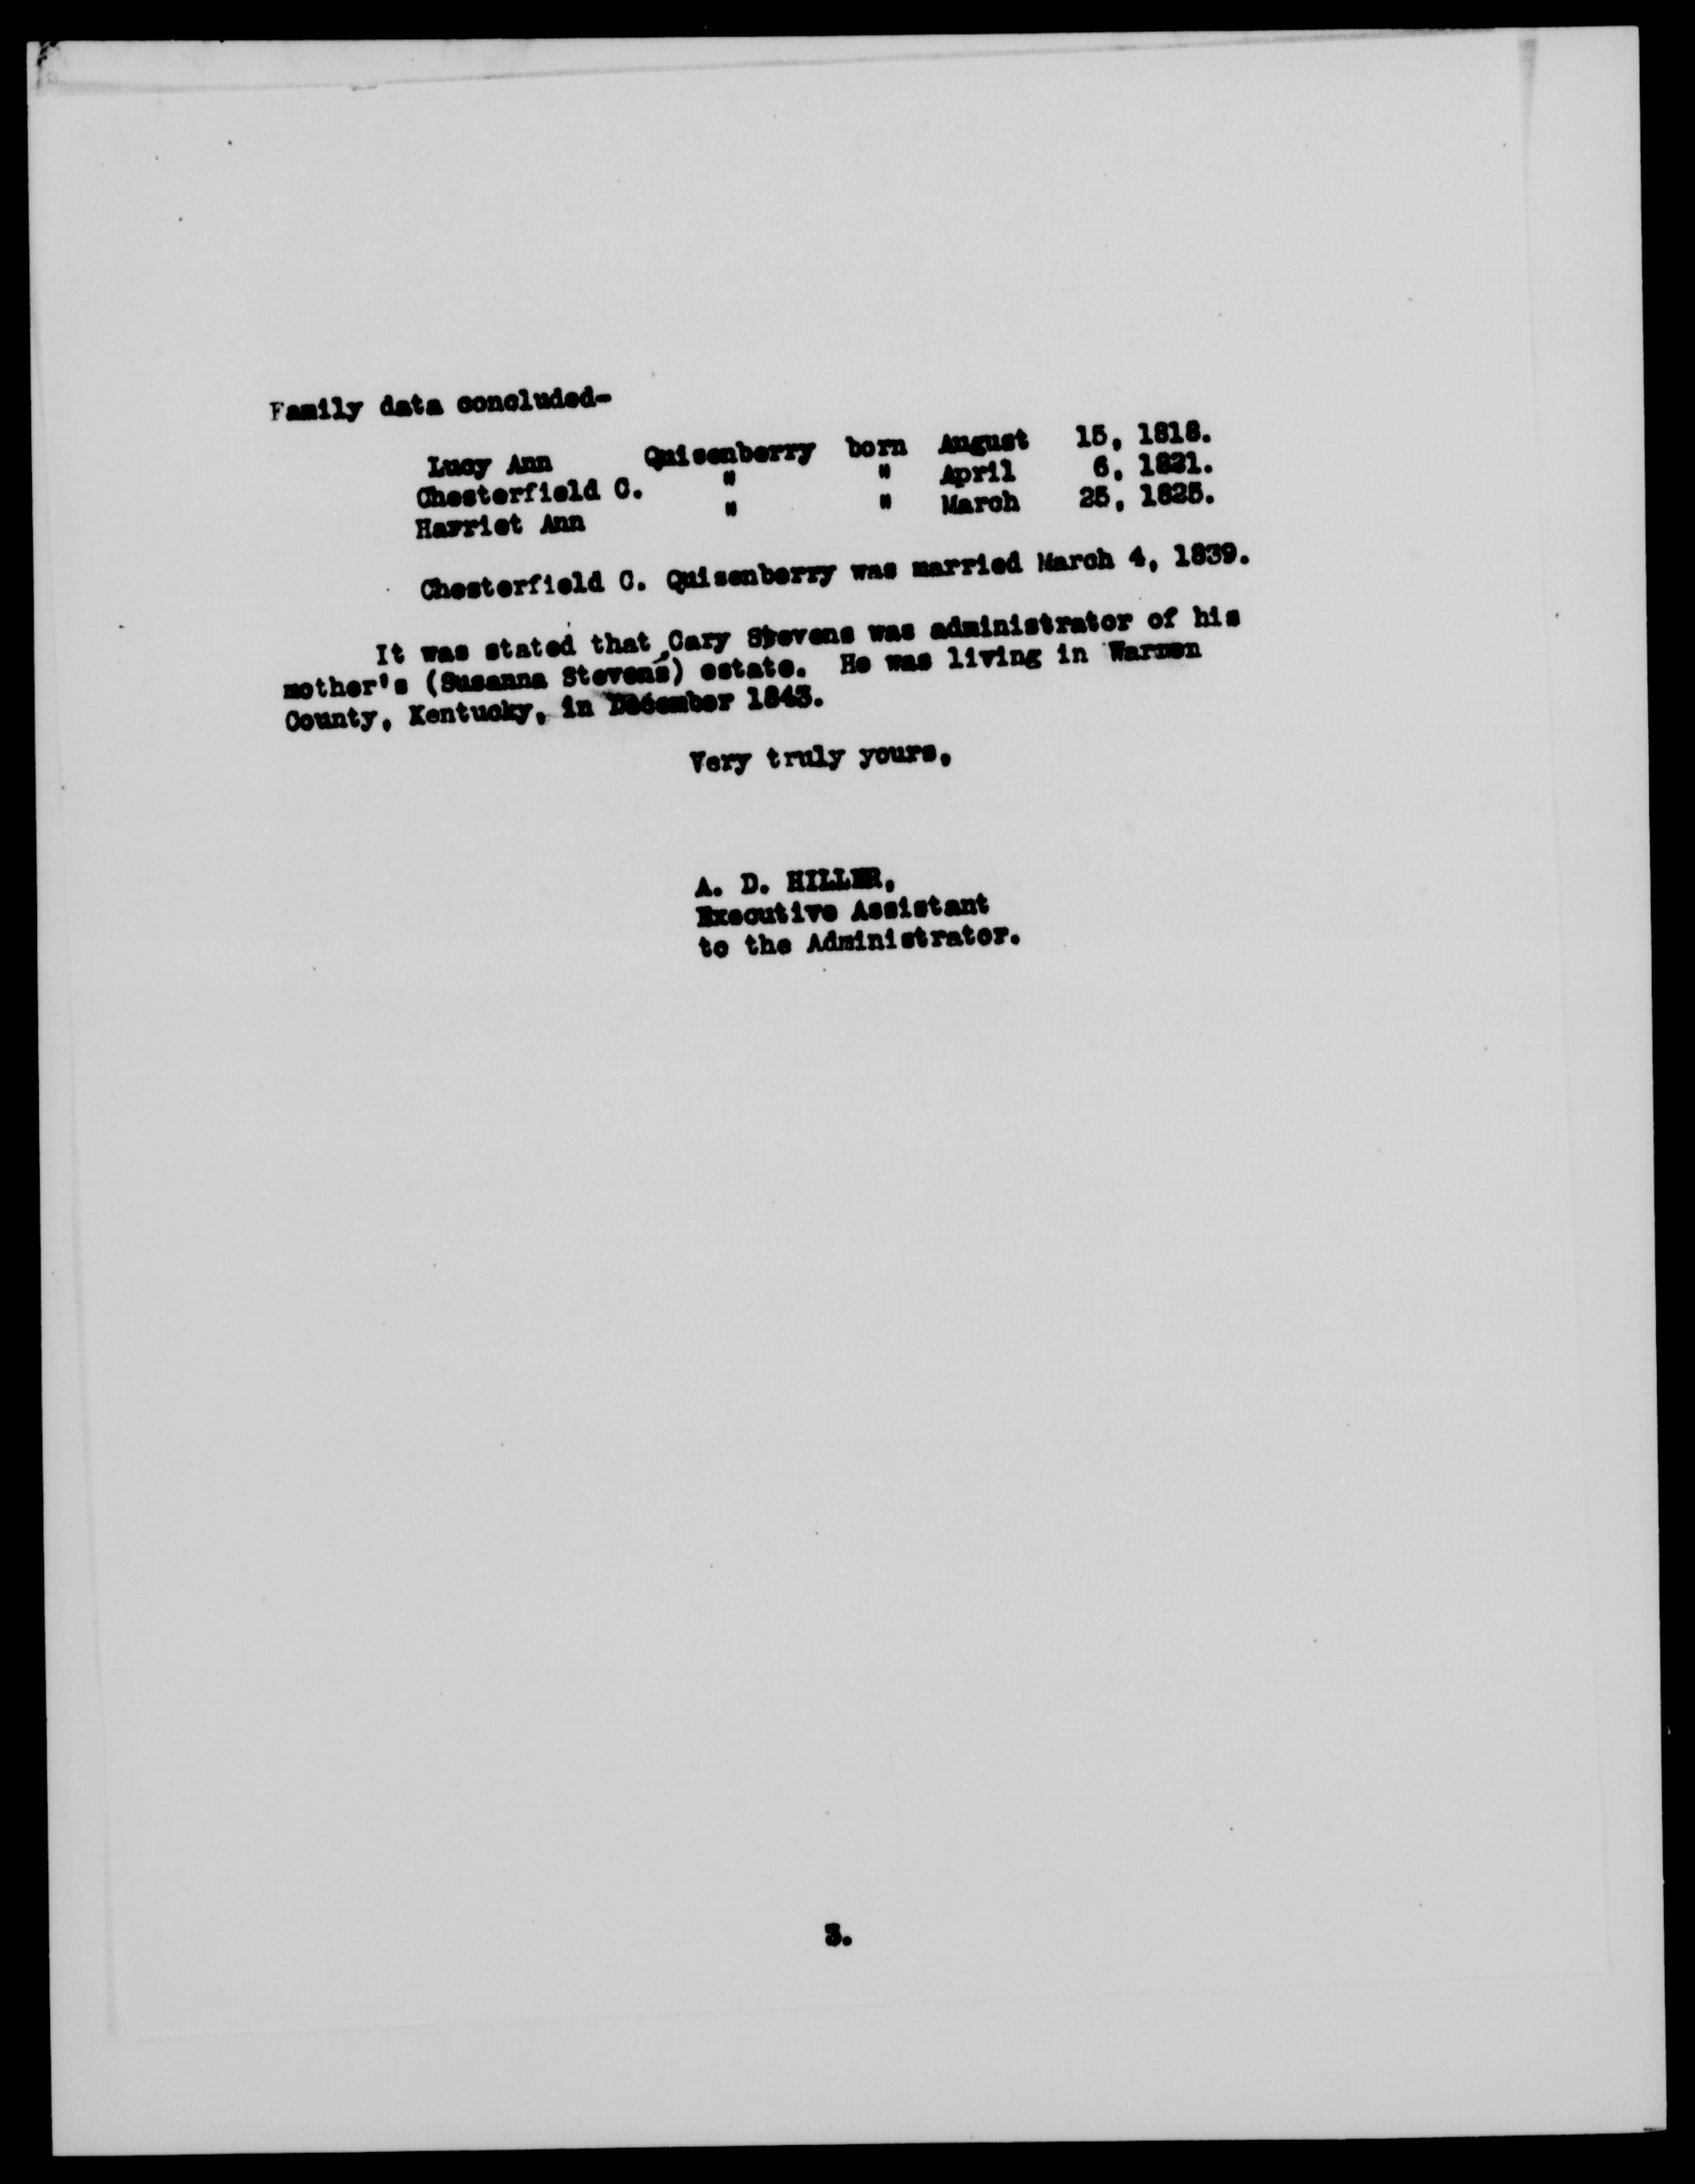Family data concluded-
Lucy Ann         Quisenberry born August 15, 1818.
Chesterfield C.       "               "     April 6, 1821.
Harriet Ann            "              "      March 25, 1825.

Chesterfield C. Quisenberry was married March 4, 1839.
It was stated that Cary Stevens was administrator of his mother's (Susanna Stevens) estate. He was living in Warren County, Kentucky, in December 1845.
Very truly yours,
A. D. HILLER,
Executive Assistant
to the Administrator.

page: 30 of 99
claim: widow's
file: W 8766, for James Stevens, Virginia